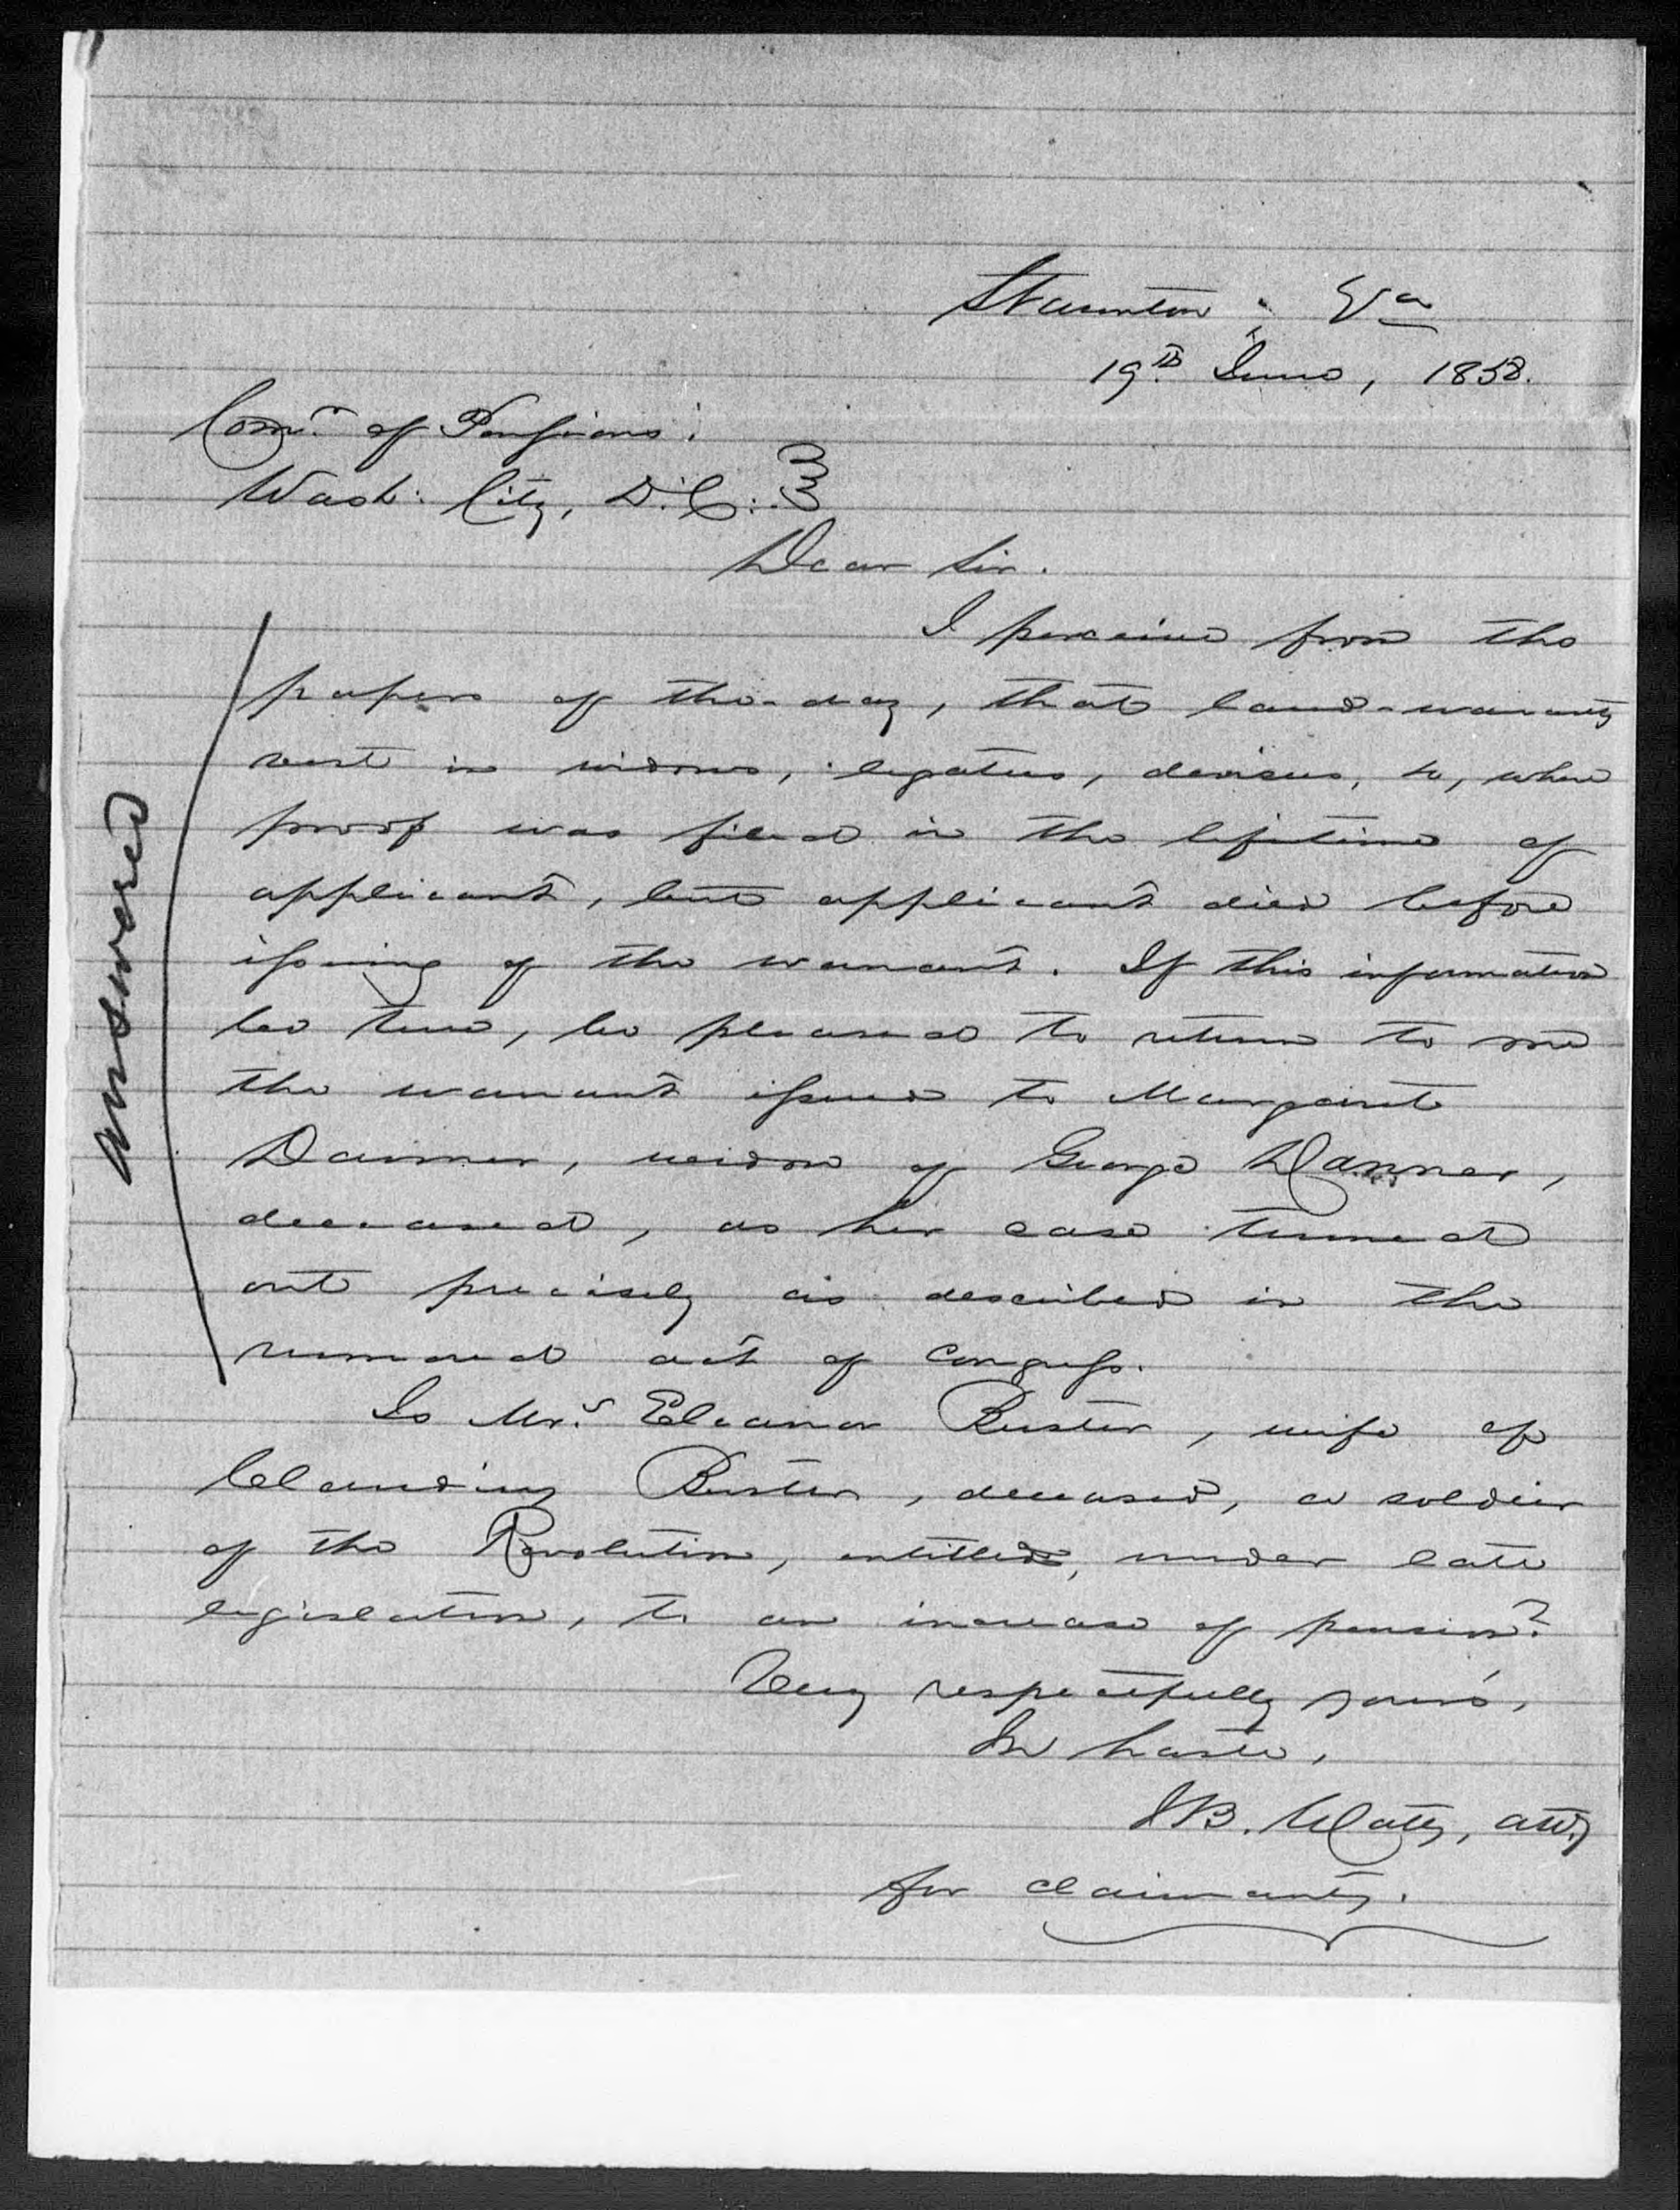Staunton Va
19th June, 1858.

Com.r of Pensions Wash City, D. C.}

Dear Sir.

I perceive from the paper of Thursday, that land warranty [illegible] in widows, [illegible], [illegible], to, when proof was filed in the lifetime of applicant, but applicant died before issuing of the warrant. If this information be true, be pleased to return to me the warrant issued to Margurite Danner, widow of George Danner, deceased, as her case turned out precisely as described in the [illegible] act of Congress.

Is Mrs. Eleanor Buster, wife of Claudius Buster, deceased, a soldier of the Revolution, entitled, under late legislation, to an increase of pension?

Very respectfully yours,
In haste,
J. B. Watts, atty
for claimants.

answered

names: J B Watts, George Danner, Eleanor Buster, Claudius Buster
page: 37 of 71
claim: widow's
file: W. 25310, Claudius Buster, Va.